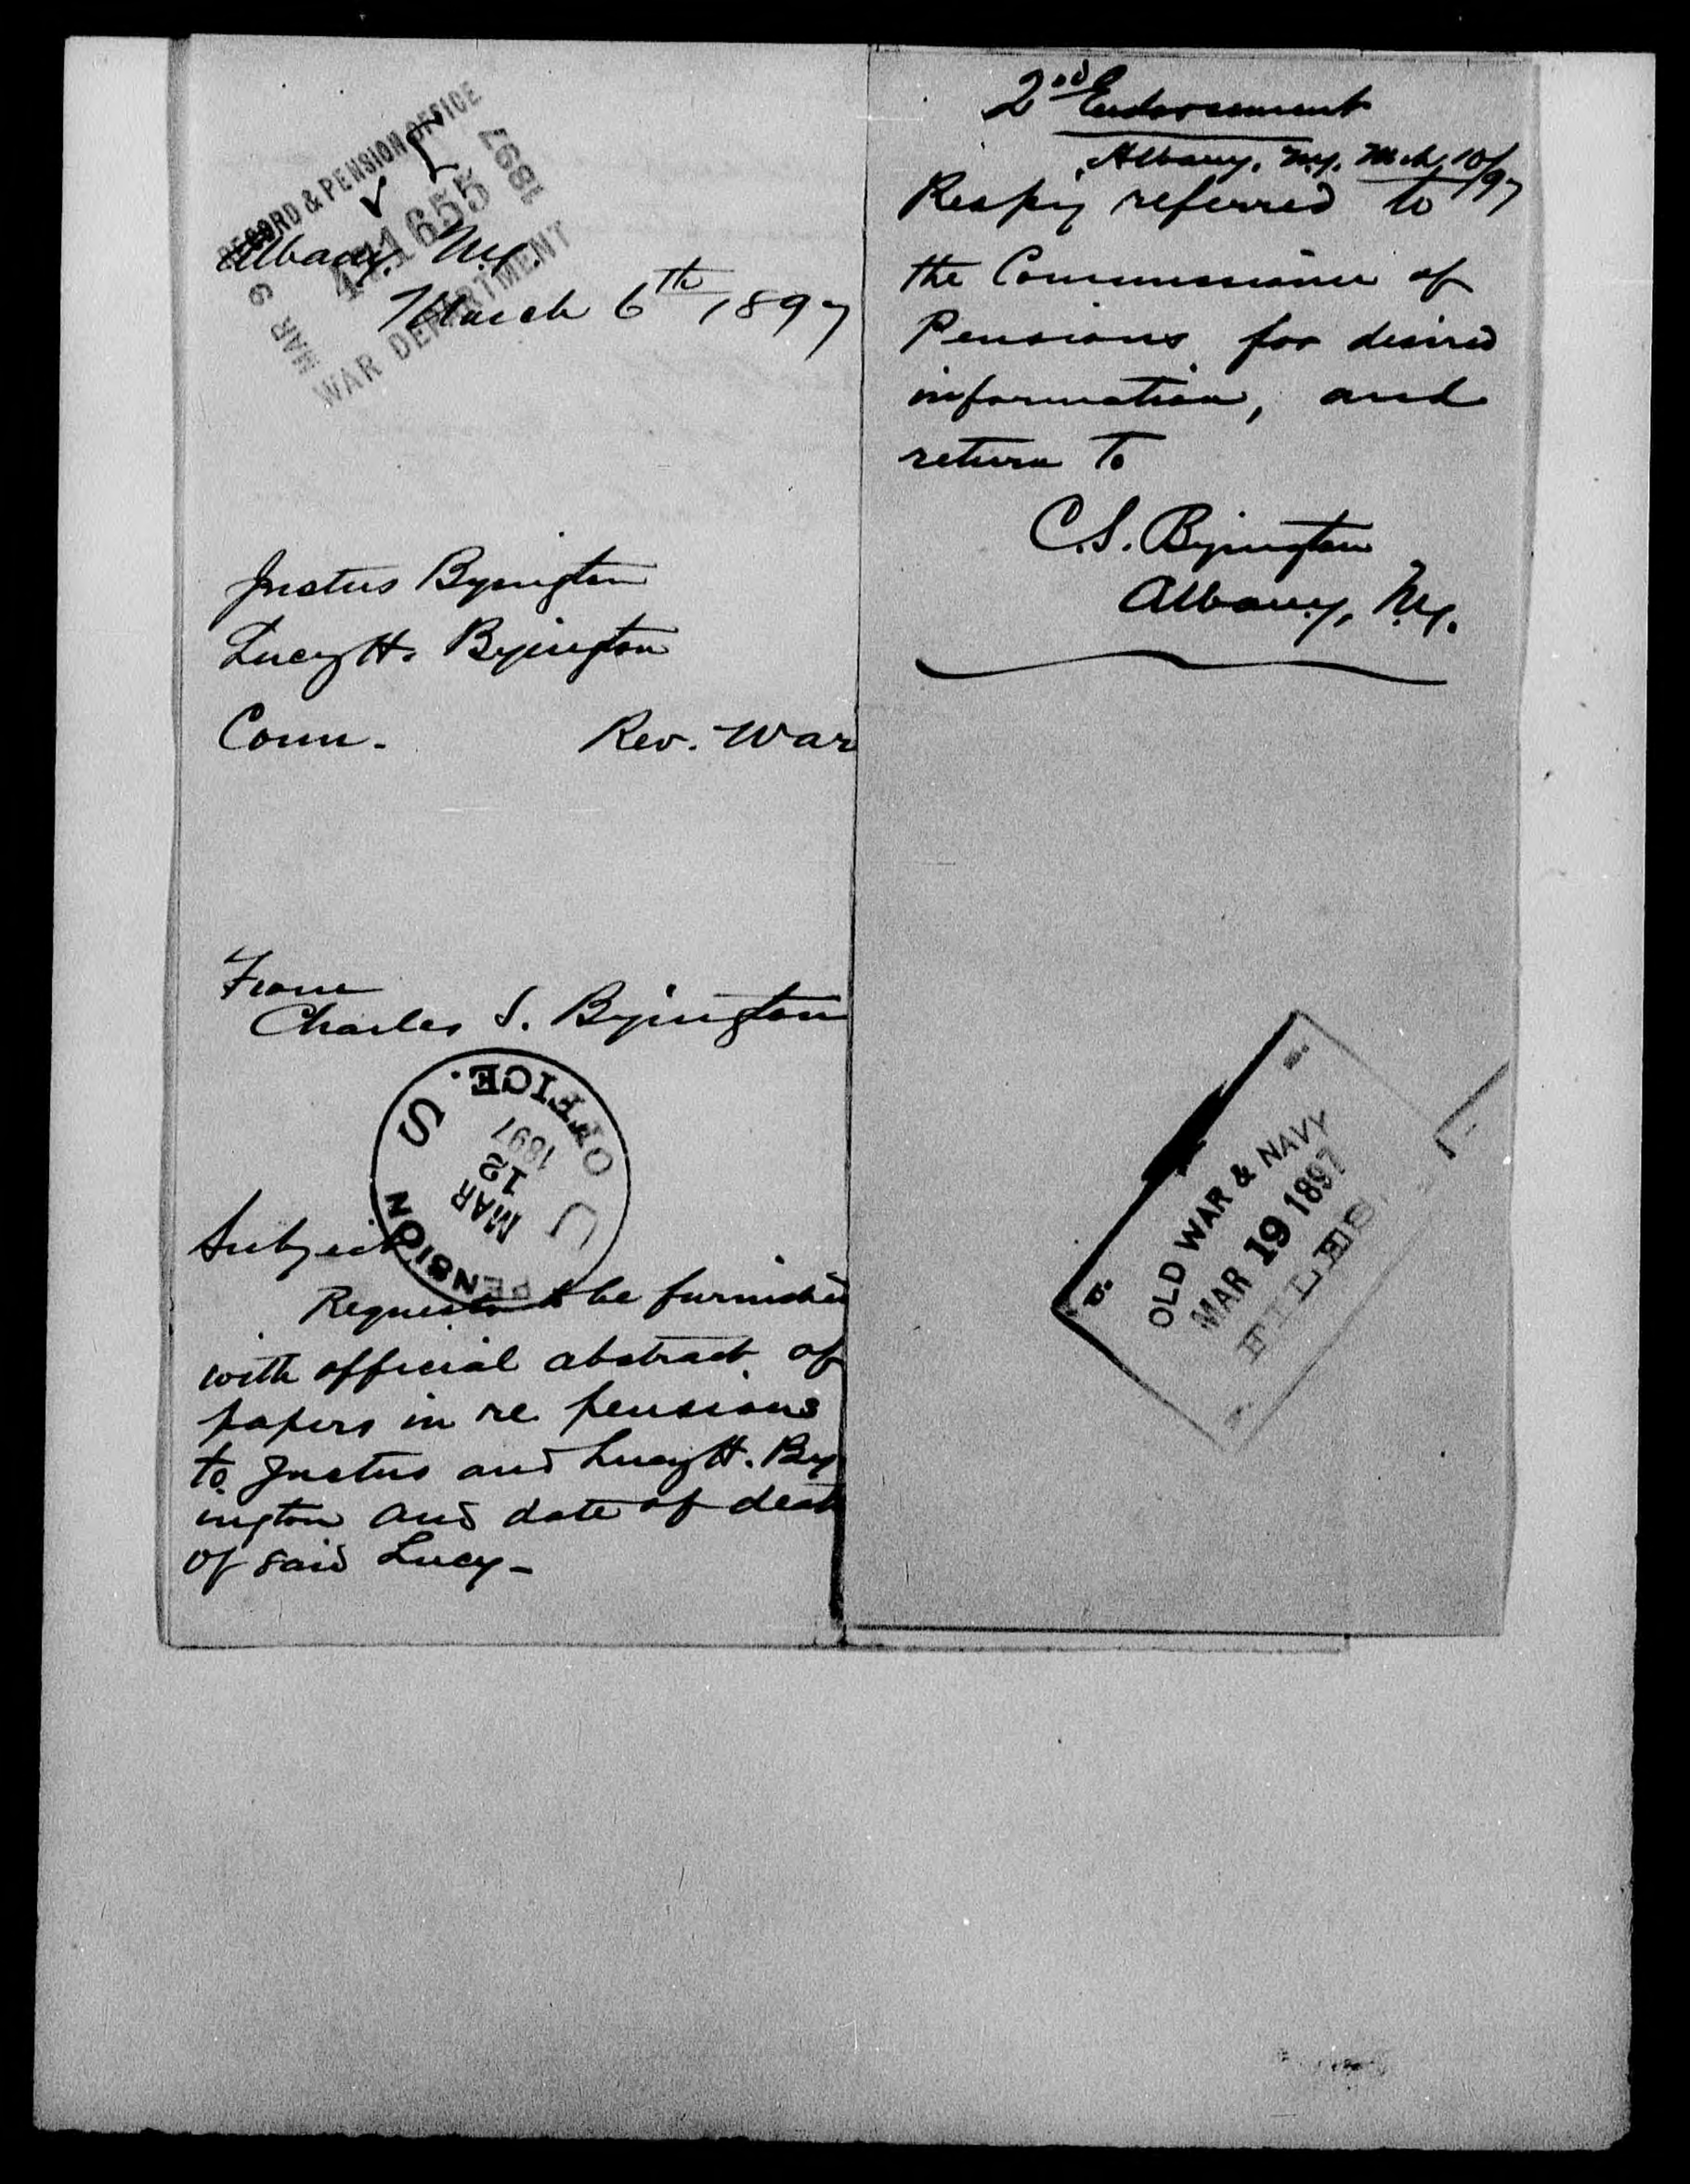[STAMPED]
RECORD & PENSION OFFICE
MAR 9 1897
WAR DEPARTMENT
47,1655

March 6th 1897
Justus Byington 
Lucy H. Byington
Conn. Rev War

From Charles S. Byington
Subject
Request to be furnished with official abstract of papers in re pensions to Justus and Lucy H. Byington and date of death of said Lucy - 
[stamped]
U. S. PENSION OFFICE
MAR 12 1897

2nd Endorsement
Albany N.Y. Mch 10/97
Respy referred to the Commissioner of Pensions for desired information, and return to C. S. Byington
Albany, NY.

[stamped]
U. S.
OLD WAR & NAVY
MAR 18 1897
FILES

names: C S Byington, Justus Byington, Lucy, Charles S Byington, Lucy H Byington, Lucy H Byington, Justus Byington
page: 68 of 79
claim: widow's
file: W. 23754, Justus Byington, Conn.